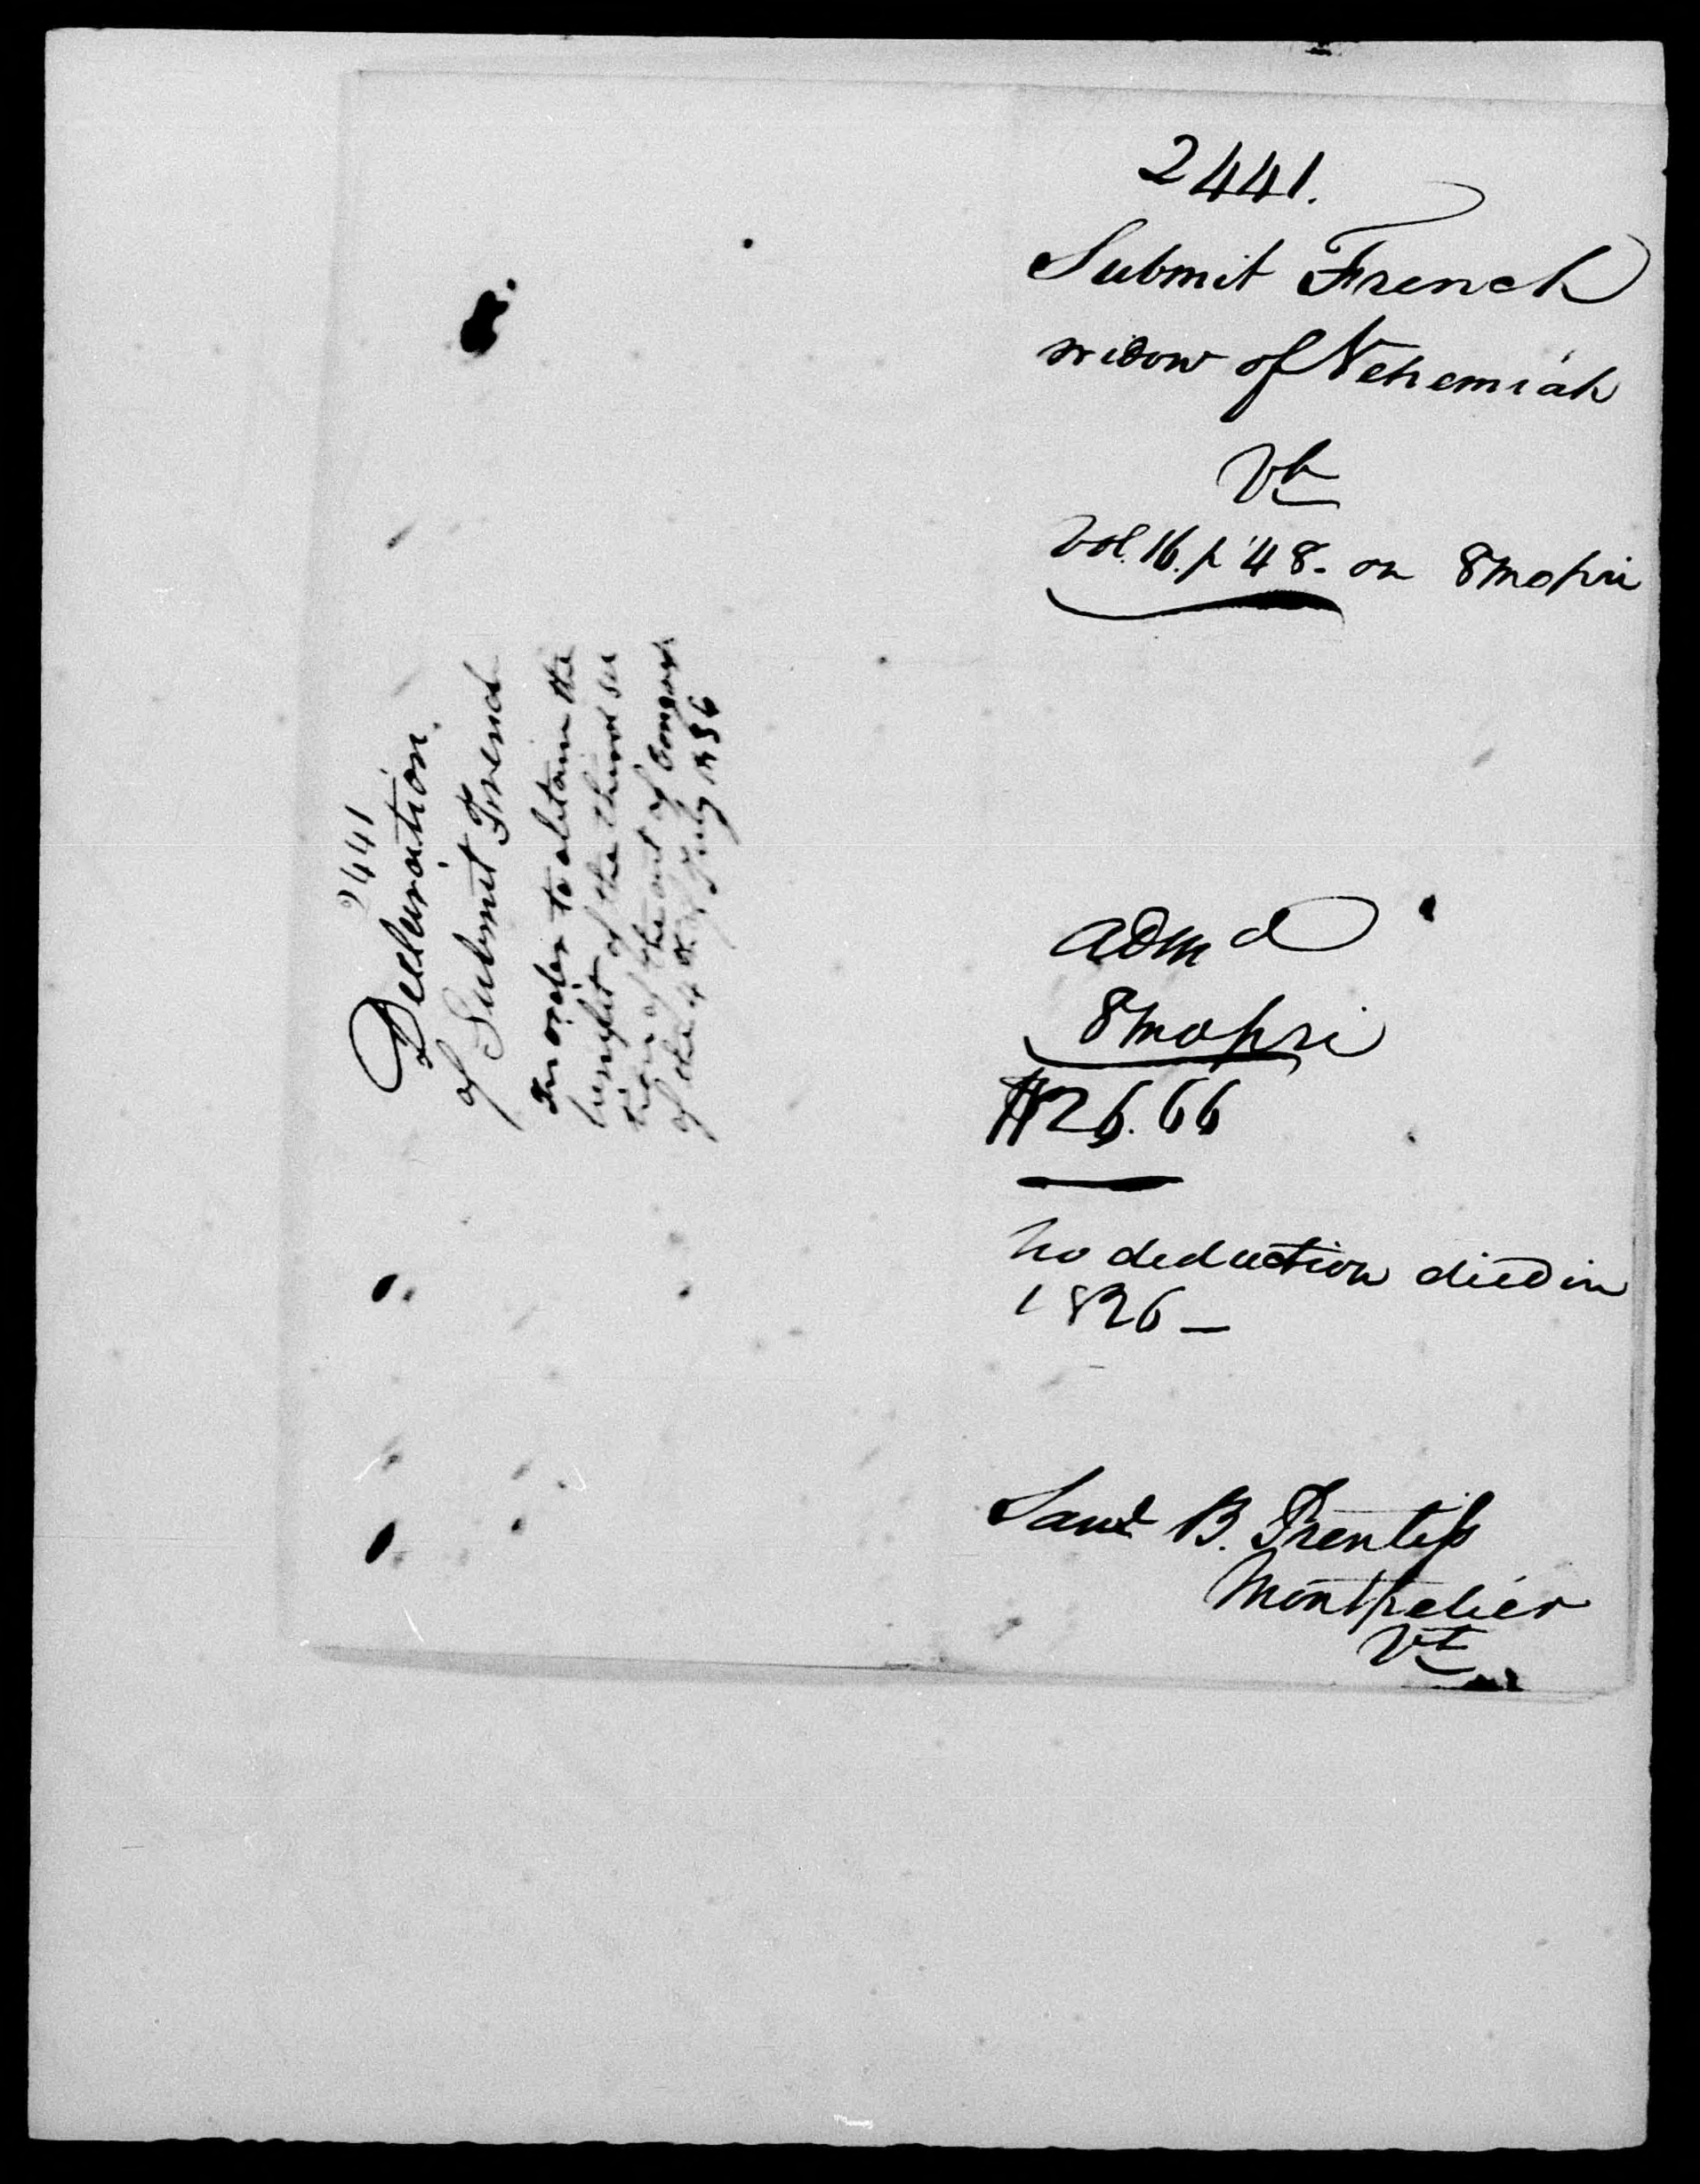[left side of page
[written vertically on page]

2441
Declaration
of Submit French
In order to obtain the
benefit of the third sec-
tion of the act of Congrefs
of the 4th of July 1836

[right side of the page]

2441.
Submit French
widow of Nehemiah
Vt.
Vol. 16. p '48.  on 8 mo pri
______________________
adm'd
8 mo pri
_____________
$26.66
_____________
no deduction died in
1826--

Sam'l B. Prentifs
Montpelier
V't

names: Saml B Prentiss, Submit French, Submit French, Nehemiah French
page: 3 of 18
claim: widow's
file: W. 21,147, Nehemiah French, Mass. Or N.H.